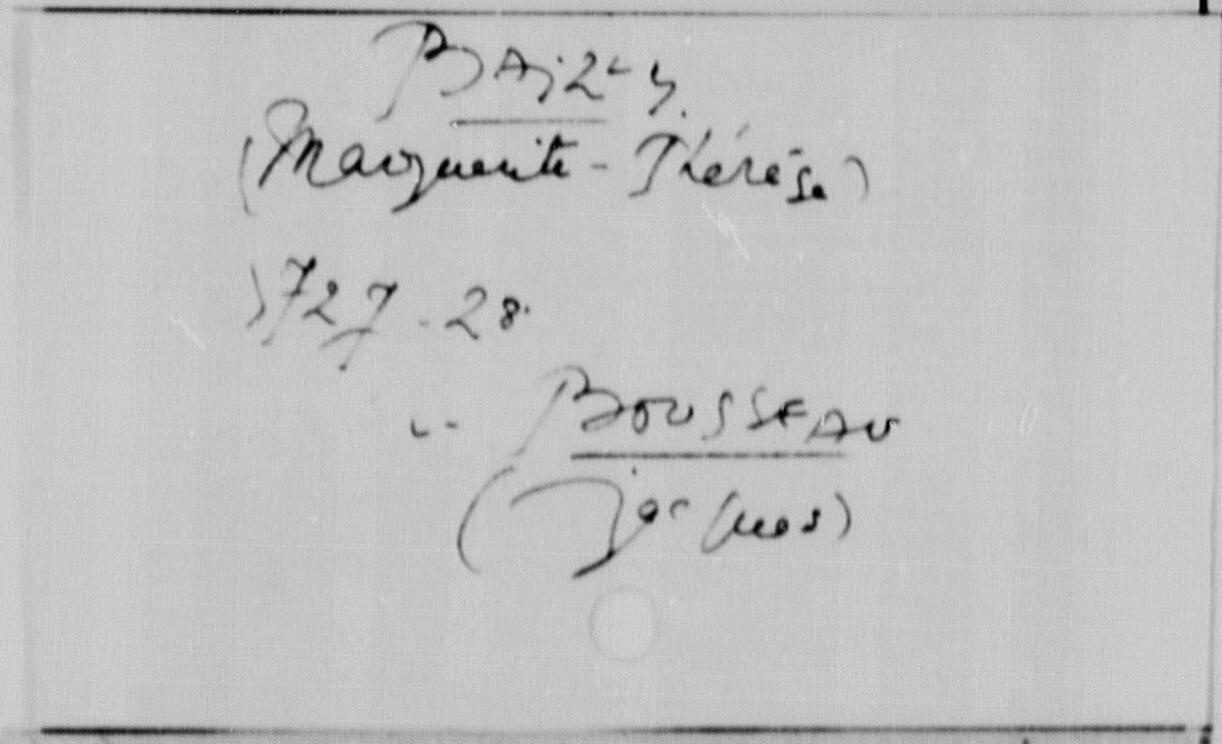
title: BAILLY (Marguerite-Thérèse)
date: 1727-1728
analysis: Voir Bousseau (Jacques)
